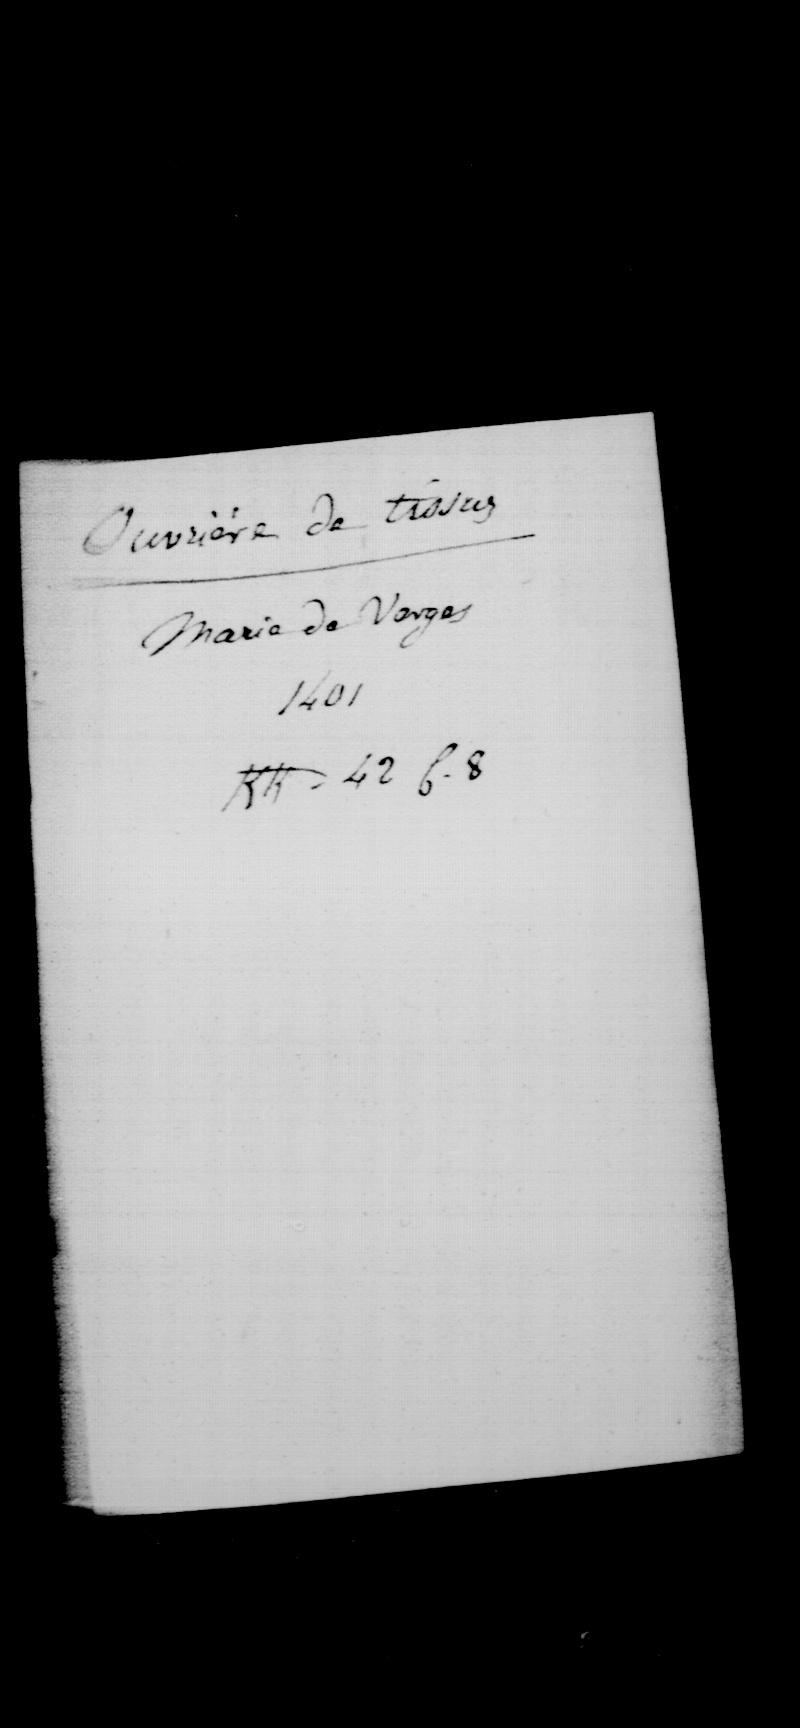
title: Ouvrière de tissuz
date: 1401
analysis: Marie de Verges
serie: KK
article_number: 42
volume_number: fol. 8
